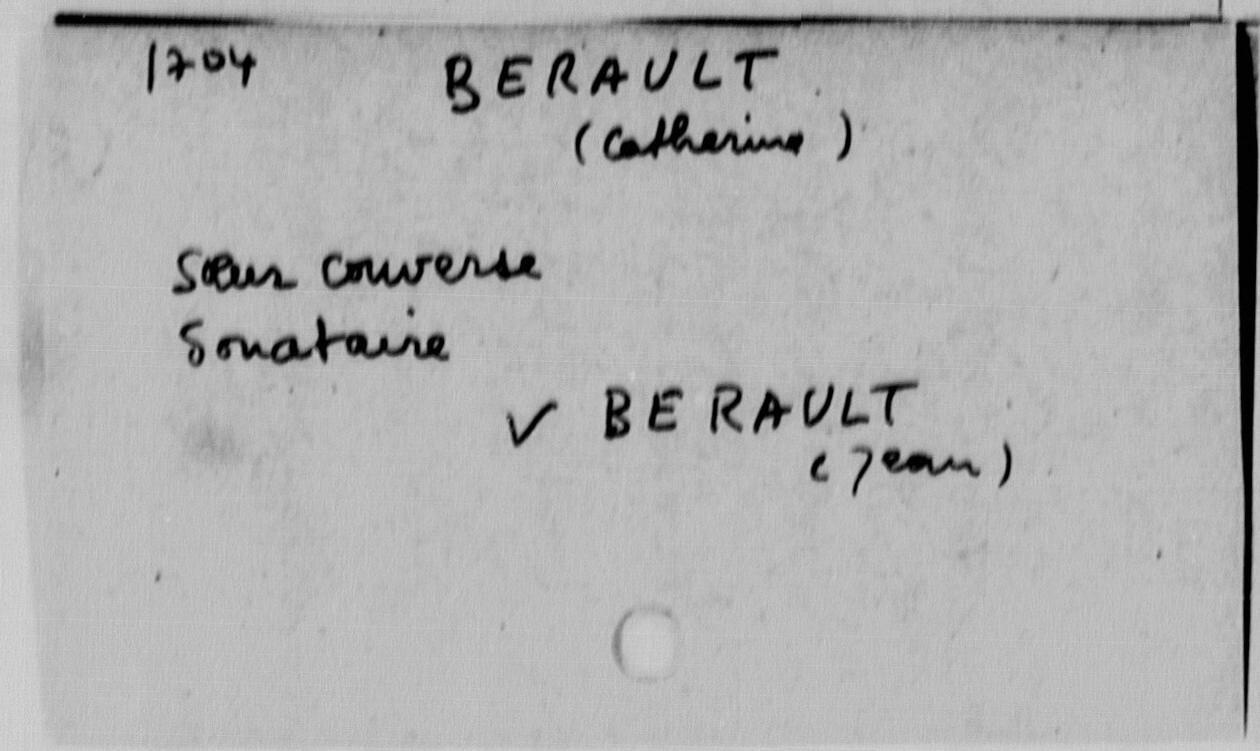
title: BERAULT (Catherine)
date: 1704
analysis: sœur converse donataire Voir : BERAULT (Jean)
